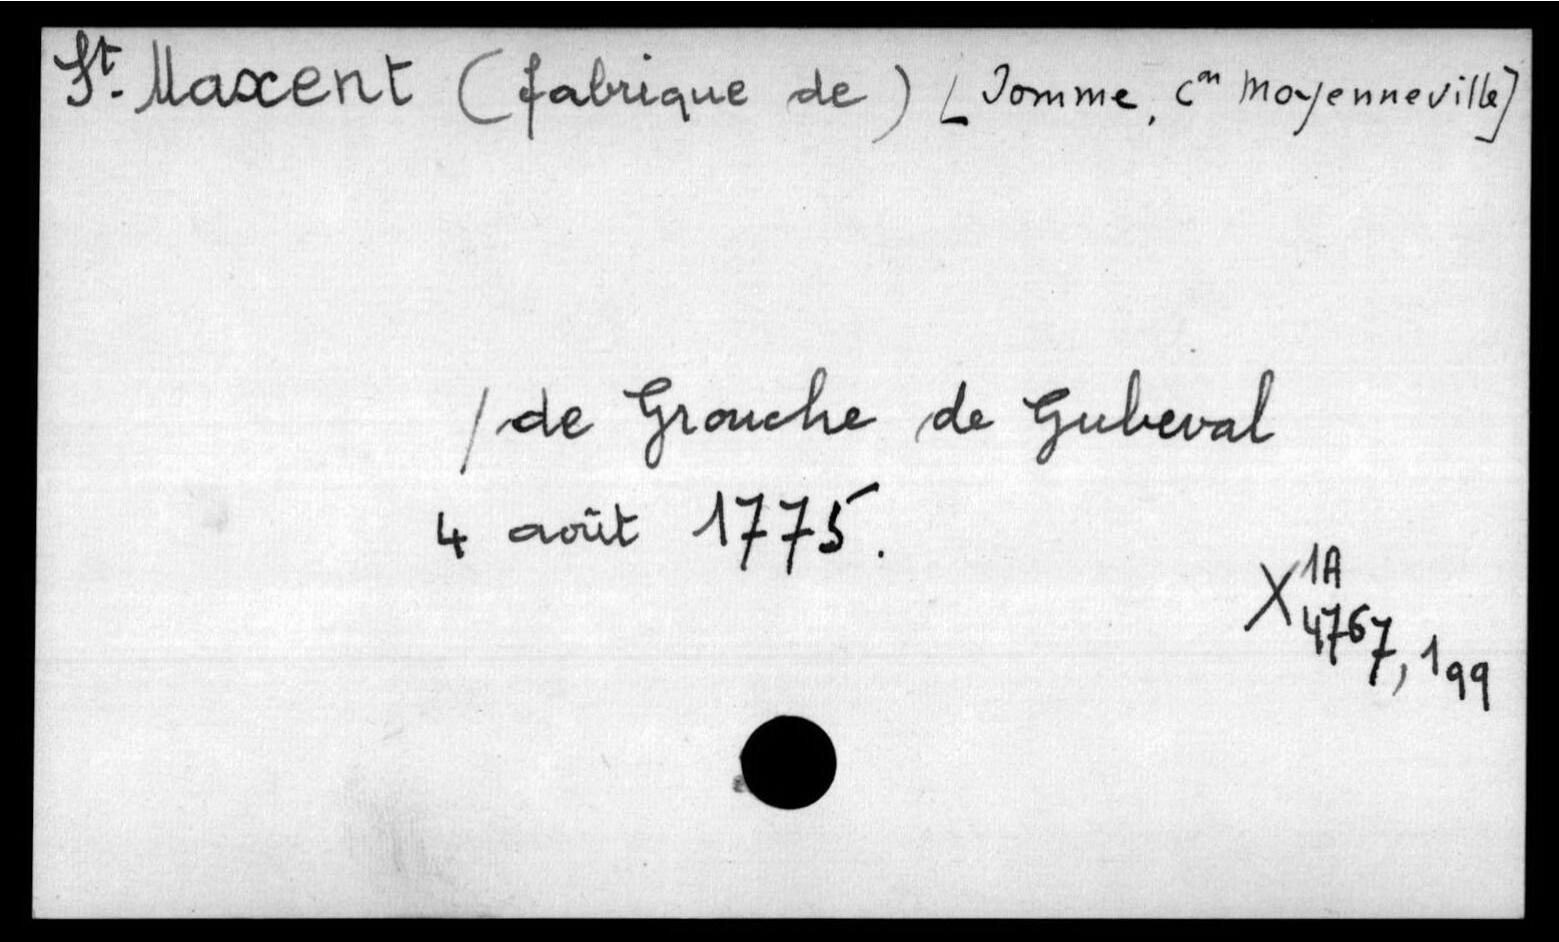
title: Saint-Maxent (fabrique de) [Somne, canton Moyenneville]
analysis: Contre de Grouche de Gubeval
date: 4 août 1775
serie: X1A
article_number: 4767
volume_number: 199
